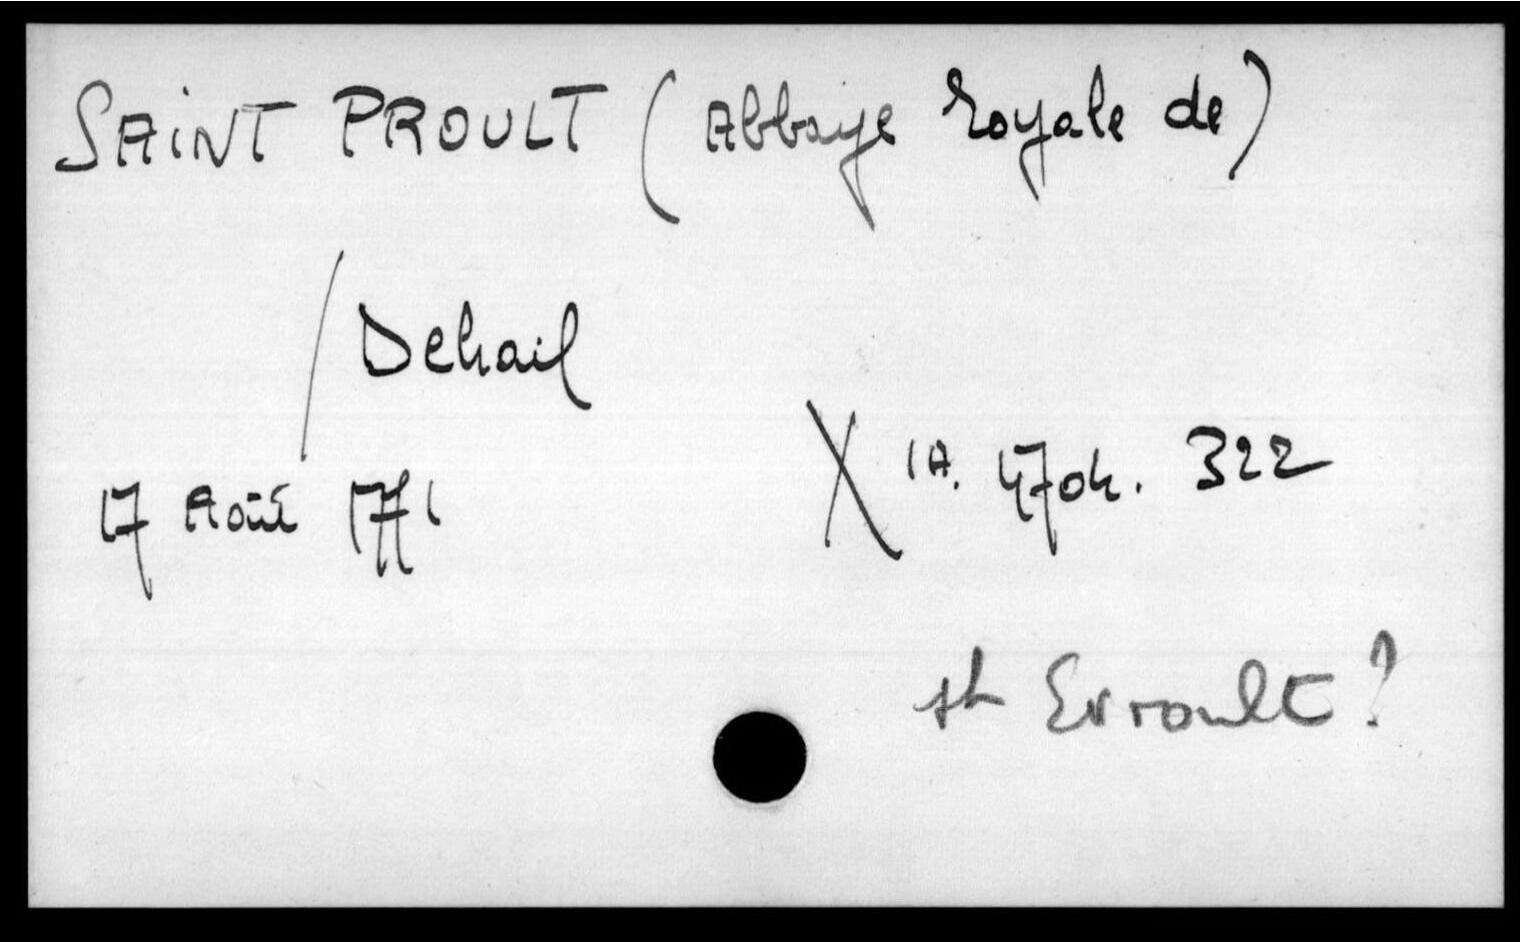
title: SAINT PROULT (Abbaye royale de) Saint Evroult ?
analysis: Contre Dehail
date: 17 août 1771
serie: X1A
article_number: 4704
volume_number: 322
